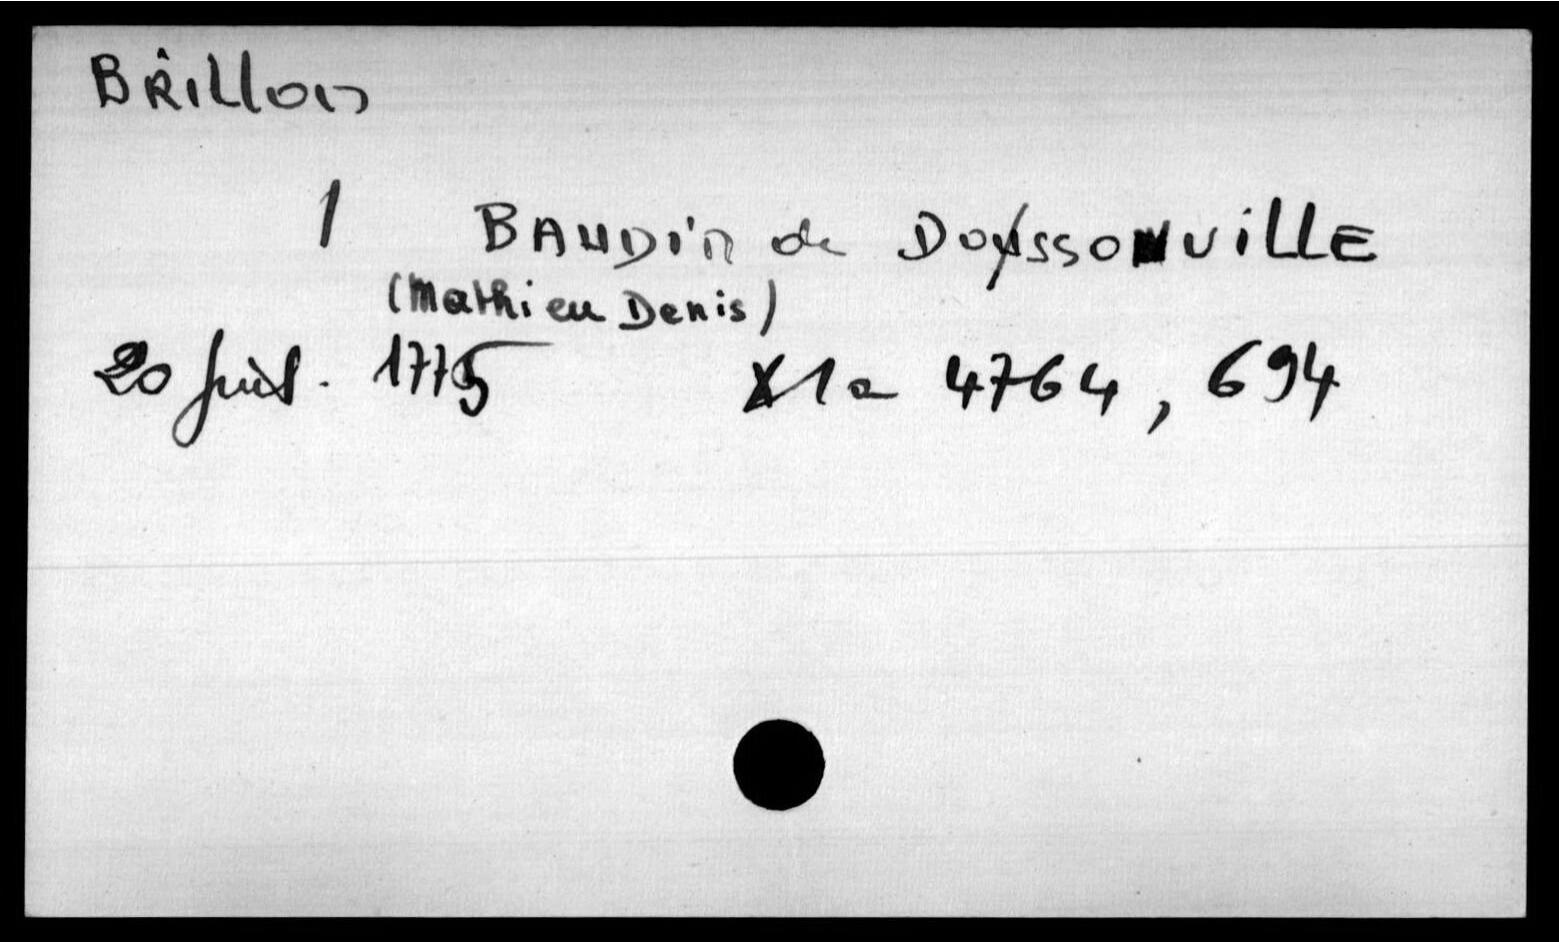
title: BRILLON
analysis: Contre Baudin de Dossonville (Mathieu Denis)
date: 20 juillet 1775
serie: X1a
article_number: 4764
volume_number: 694
